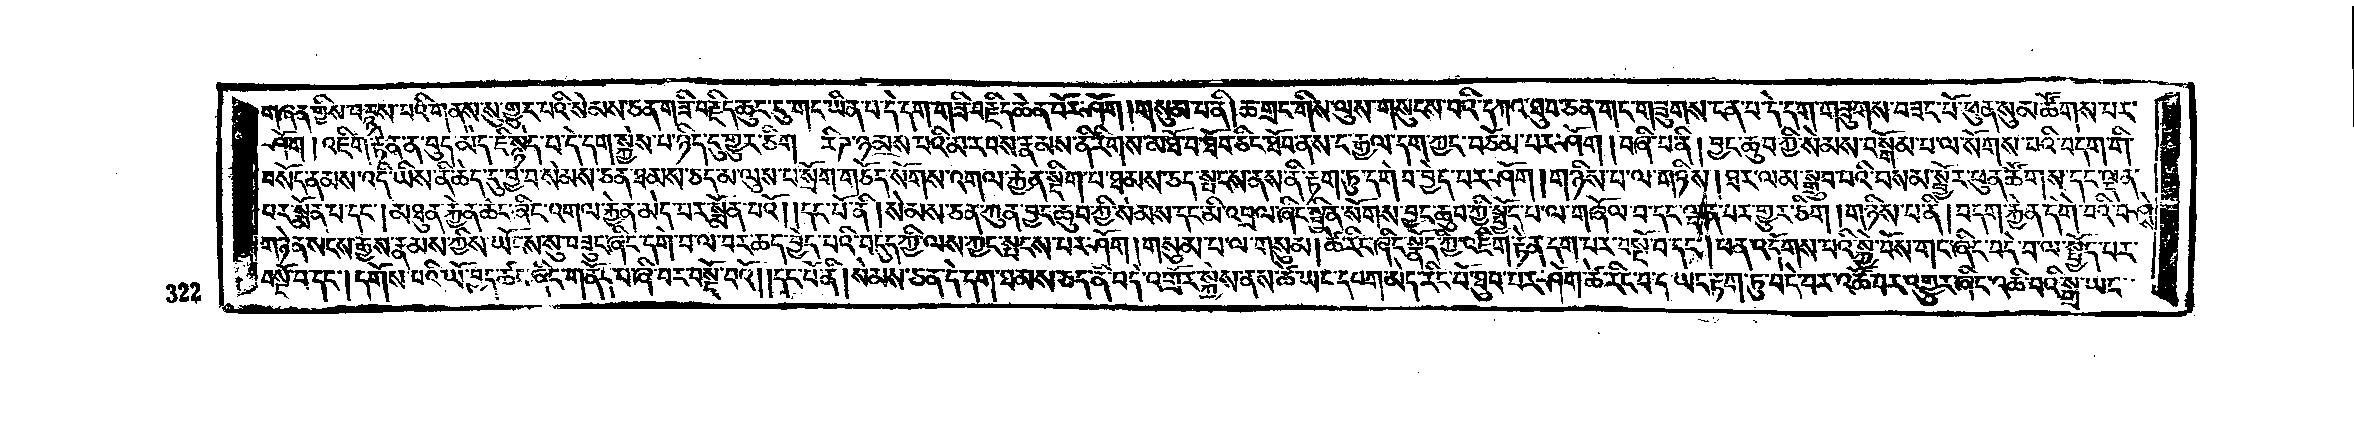གཞན་གྱིས་བརྙས་པའི་གནས་སུ་གྱུར་པའི་སེམས་ཅན་གཟི་བརྗིད་ཆུང་ངུ་གང་ཡིན་པ་དེ་དག་གཟི་བརྗིད་ཆེན་པོར་ཤོག །གསུམ་པ་ནི། ཆ་གྲང་གིས་ལུས་གསུངས་པའི་དཀའ་ཐུབ་ཅན་གང་གཟུགས་ངན་པ་དེ་དག་གཟུགས་བཟང་པོ་ཕུན་སུམ་ཚོགས་པར་
ཤོག །འཇིག་རྟེན་ན་བུད་མེད་ཇི་སྙེད་པ་དེ་དག་སྐྱེས་པ་ཉིད་དུ་གྱུར་ཅིག །རིགས་ཉམས་པའི་མ་རབས་རྣམས་ནི་རིགས་མཐོ་བ་ཐོབ་ཅིང་ཐོབ་ནས་ང་རྒྱལ་དག་ཀྱང་བཅོམ་པར་ཤོག །བཞི་པ་ནི། བྱང་ཆུབ་ཀྱི་སེམས་བསྒོམ་པ་ལ་སོགས་པའི་བདག་གི་
བསོད་ནམས་འདི་ཡིས་ནི་ཆེད་དུ་བྱ་བ་སེམས་ཅན་ཐམས་ཅད་མ་ལུས་པ་སྲོག་གཅོད་སོགས་འགལ་རྐྱེན་སྡིག་པ་ཐམས་ཅད་སྤངས་ནས་ནི་རྟག་ཏུ་དགེ་བ་བྱེད་པར་ཤོག །གཉིས་པ་ལ་གཉིས། ཐར་ལམ་སྒྲུབ་པའི་བསམ་སྦྱོར་ཕུན་ཚོགས་དང་ལྡན་
པར་སྨོན་པ་དང་། མཐུན་རྐྱེན་ཚང་ཞིང་འགལ་རྐྱེན་མེད་པར་སྨོན་པའོ། །དང་པོ་ནི། སེམས་ཅན་ཀུན་བྱང་ཆུབ་ཀྱི་སེམས་དང་མི་འབྲལ་ཞིང་སྦྱིན་སོགས་བྱང་ཆུབ་ཀྱི་སྤྱོད་པ་ལ་གཞོལ་བ་དང་ལྡན་པར་གྱུར་ཅིག །གཉིས་པ་ནི། བདག་རྐྱེན་དགེ་བའི་བཤེས་
གཉེན་སངས་རྒྱས་རྣམས་ཀྱིས་ཡོངས་སུ་བཟུང་ཞིང་དགེ་བ་ལ་བར་ཆད་བྱེད་པའི་བདུད་ཀྱི་ལས་ཀྱང་སྤངས་པར་ཤོག །གསུམ་པ་ལ་གསུམ། ཚེ་རིང་ཞིང་སྣོད་ཀྱི་འཇིག་རྟེན་དག་པར་བསྔོ་བ་དང་། ཕན་འདོགས་པའི་སྐྱེ་བོས་གང་ཞིང་བདེ་བ་ལ་སྤྱོད་པར་
བསྔོ་བ་དང་། དགོས་པའི་ཡོ་བྱད་ཚང་ཞིང་གནོད་པ་ཞི་བར་བསྔོ་བའོ། །དང་པོ་ནི། སེམས་ཅན་དེ་དག་ཐམས་ཅད་དེ་དག་ཐམས་ཅད་ནི་བདེ་འགྲོར་སྐྱེས་ནས་ཚེ་ཡང་དཔག་མེད་རིང་པོ་ཐུབ་པར་ཤོག་ཚེ་རིང་བ་དེ་ཡང་རྟག་ཏུ་བདེ་བར་འཚོ་བར་འགྱུར་ཞིང་འཆི་བའི་སྒྲ་ཡང་